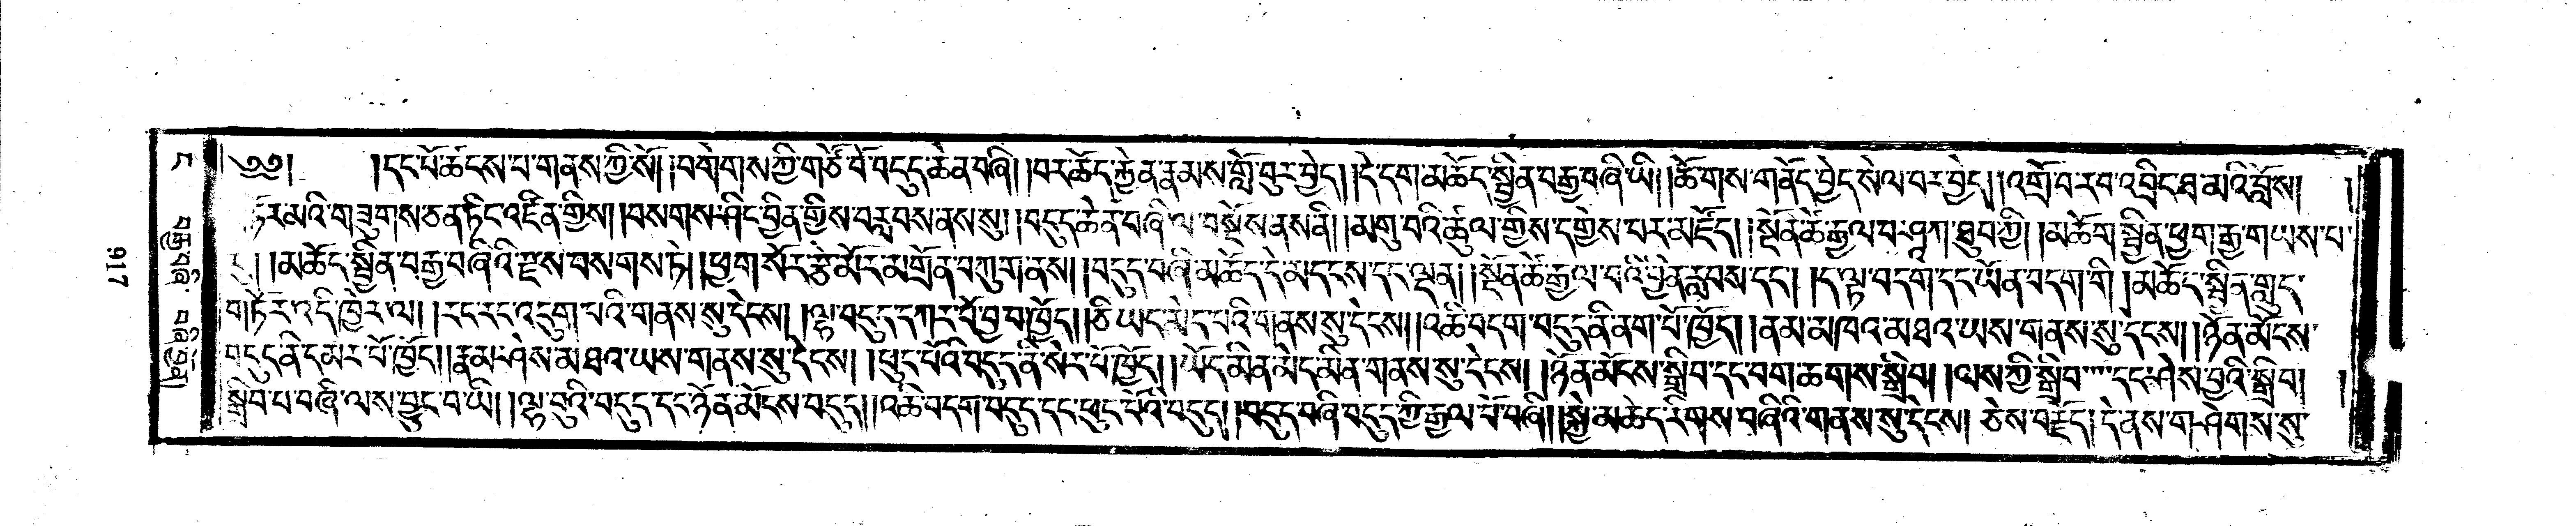༄༅། །དང་པོ་ཚངས་པ་གནས་ཀྱི་སོ། །བགེགས་ཀྱི་གཙོ་བོ་བདུད་ཆེན་བཞི། །བར་ཆོད་རྐྱེན་རྣམས་གློ་བུར་བྱེད། །དེ་དག་མཆོད་སྦྱིན་བརྒྱ་བཞི་ཡི། །ཆོ་གས་གནོད་བྱེད་སེལ་བར་བྱེད། །འགྲོ་བ་རབ་འབྲིང་ཐ་མའི་བློས། །
གཏོར་མའི་གཟུགས་ཅན་ཏིང་འཛིན་གྱིས། །བསགས་ཤིང་བྱིན་གྱིས་བརླབས་ནས་སུ། །བདུད་ཆེན་བཞི་ལ་བསྔོས་ནས་ནི། །མགུ་བའི་ཚུལ་གྱིས་དགྱེས་པར་མཛོད། །སྔོན་ཚེ་རྒྱལ་བ་ཤཱཀ་ཐུབ་ཀྱི། །མཆོག་སྦྱིན་ཕྱག་རྒྱ་གཡས་པ་
རུ། །མཆོད་སྦྱིན་བརྒྱ་བཞིའི་རྫས་བསགས་ཏེ། །ཕྱག་སོར་རྩེ་མོར་མགྲོན་བཀུག་ནས། །བདུད་བཞི་མཆོད་དེ་མདངས་དང་ལྡན། །སྔོན་ཚེ་རྒྱལ་བའི་བྱིན་རླབས་དང་། །ད་ལྟ་བདག་དང་ཡོན་བདག་གི །མཆོད་སྦྱིན་གླུད་
གཏོར་འདི་ཁྱེར་ལ། །རང་རང་འདུག་པའི་གནས་སུ་དེངས། །ལྷ་བདུད་དཀར་པོ་བྱ་བ་ཁྱོད། །ཅི་ཡང་མེད་པའི་གནས་སུ་དེངས། །འཆི་བདག་བདུད་ནི་ནག་པོ་ཁྱོད། །ནམ་མཁའ་མཐའ་ཡས་གནས་སུ་དེངས། །ཉོན་མོངས་
བདུད་ནི་དམར་པོ་ཁྱོད། །རྣམ་ཤེས་མཐའ་ཡས་གནས་སུ་དེངས། །ཕུང་པོའི་བདུད་ནི་སེར་པོ་ཁྱོད། །ཡོད་མིན་མེད་མིན་གནས་སུ་དེངས། །ཉོན་མོངས་སྒྲིབ་དང་བག་ཆགས་སྒྲིབ། །ལས་ཀྱི་སྒྲིབ་དང་ཤེས་བྱའི་སྒྲིབ། །
སྒྲིབ་པ་བཞི་ལས་བྱུང་བ་ཡི། །ལྷ་བུའི་བདུད་དང་ཉོན་མོངས་བདུད། །འཆི་བདག་བདུད་དང་ཕུང་པོའི་བདུད། །བདུད་བཞི་བདུད་ཀྱི་རྒྱལ་པོ་བཞི། །སྐྱེ་མཆེད་རིགས་བཞིའི་གནས་སུ་དེངས། ཅེས་བརྗོད། དེ་ནས་གཤེགས་སུ་